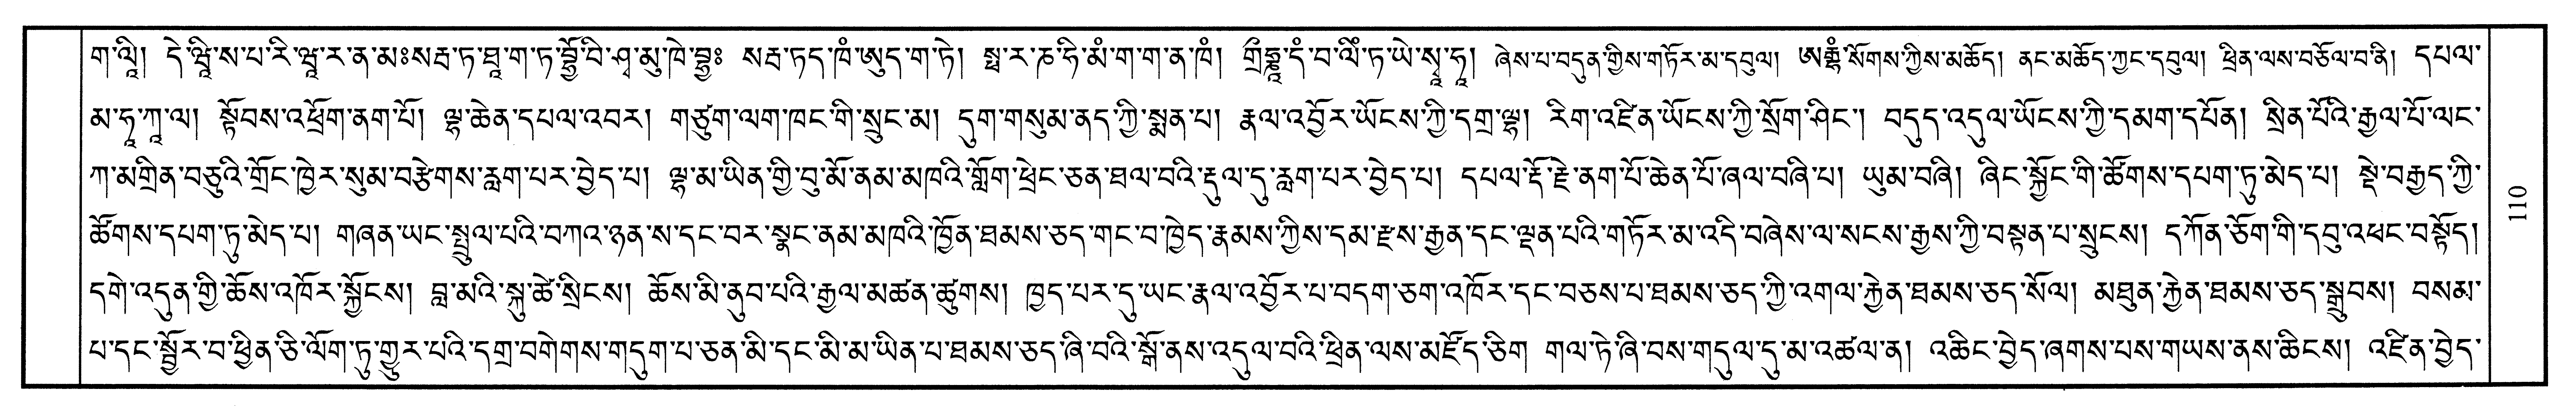ག་ལཱི། དེ་ཝཱི་ས་པ་རི་ཝཱ་ར་ན་མཿ སརྦ་ཏ་ཐཱ་ག་ཏ་བྷྱོ་བི་ཤྭ་མུ་ཁེ་བྷྱཿ སརྦ་ཏད་ཁཾ་ཨུད་ག་ཏེ། སྥ་ར་ཎ་ཧི་མཾ་ག་ག་ན་ཁཾ། གྲྀཧྞཱ་དཾ་བ་ལིཾ་ཏ་ཡེ་སྭཱ་ཧཱ། ཞེས་པ་བདུན་གྱིས་གཏོར་མ་དབུལ། ཨརྒྷཾ་སོགས་ཀྱིས་མཆོད། ནང་མཆོད་ཀྱང་དབུལ། ཕྲིན་ལས་བཅོལ་བ་ནི། དཔལ་
མ་ཧཱ་ཀཱ་ལ། སྟོབས་འཕྲོག་ནག་པོ། ལྷ་ཆེན་དཔལ་འབར། གཙུག་ལག་ཁང་གི་སྲུང་མ། དུག་གསུམ་ནད་ཀྱི་སྨན་པ། རྣལ་འབྱོར་ཡོངས་ཀྱི་དགྲ་ལྷ། རིག་འཛིན་ཡོངས་ཀྱི་སྲོག་ཤིང་། བདུད་འདུལ་ཡོངས་ཀྱི་དམག་དཔོན། སྲིན་པོའི་རྒྱལ་པོ་ལང་
ཀ་མགྲིན་བཅུའི་གྲོང་ཁྱེར་སུམ་བརྩེགས་རླག་པར་བྱེད་པ། ལྷ་མ་ཡིན་གྱི་བུ་མོ་ནམ་མཁའི་གློག་ཕྲེང་ཅན་ཐལ་བའི་རྡུལ་དུ་རླག་པར་བྱེད་པ། དཔལ་རྡོ་རྗེ་ནག་པོ་ཆེན་པོ་ཞལ་བཞི་པ། ཡུམ་བཞི། ཞིང་སྐྱོང་གི་ཚོགས་དཔག་ཏུ་མེད་པ། སྡེ་བརྒྱད་ཀྱི་
ཚོགས་དཔག་ཏུ་མེད་པ། གཞན་ཡང་སྤྲུལ་བའི་བཀའ་ཉན་ས་དང་བར་སྣང་ནམ་མཁའི་ཁྱོན་ཐམས་ཅད་གང་བ་ཁྱེད་རྣམས་ཀྱིས་དམ་རྫས་རྒྱན་དང་ལྡན་པའི་གཏོར་མ་འདི་བཞེས་ལ་སངས་རྒྱས་ཀྱི་བསྟན་པ་སྲུངས། དཀོན་ཅོག་གི་དབུ་འཕང་བསྟོད།
དགེ་འདུན་གྱི་ཆོས་འཁོར་སྐྱོངས། བླ་མའི་སྐུ་ཚེ་སྲིངས། ཆོས་མི་ནུབ་པའི་རྒྱལ་མཚན་ཚུགས། ཁྱད་པར་དུ་ཡང་རྣལ་འབྱོར་པ་བདག་ཅག་འཁོར་དང་བཅས་པ་ཐམས་ཅད་ཀྱི་འགལ་རྐྱེན་ཐམས་ཅད་སོལ། མཐུན་རྐྱེན་ཐམས་ཅད་སྒྲུབས། བསམ་
པ་དང་སྦྱོར་བ་ཕྱིན་ཅི་ལོག་ཏུ་གྱུར་པའི་དགྲ་བགེགས་གདུག་པ་ཅན་མི་དང་མི་མ་ཡིན་པ་ཐམས་ཅད་ཞི་བའི་སྒོ་ནས་འདུལ་བའི་ཕྲིན་ལས་མཛོད་ཅིག་གལ་ཏེ་ཞི་བས་གདུལ་དུ་མ་འཚལ་ན། འཆིང་བྱེད་ཞགས་པས་གཡས་ནས་ཆིངས། འཛིན་བྱེད་